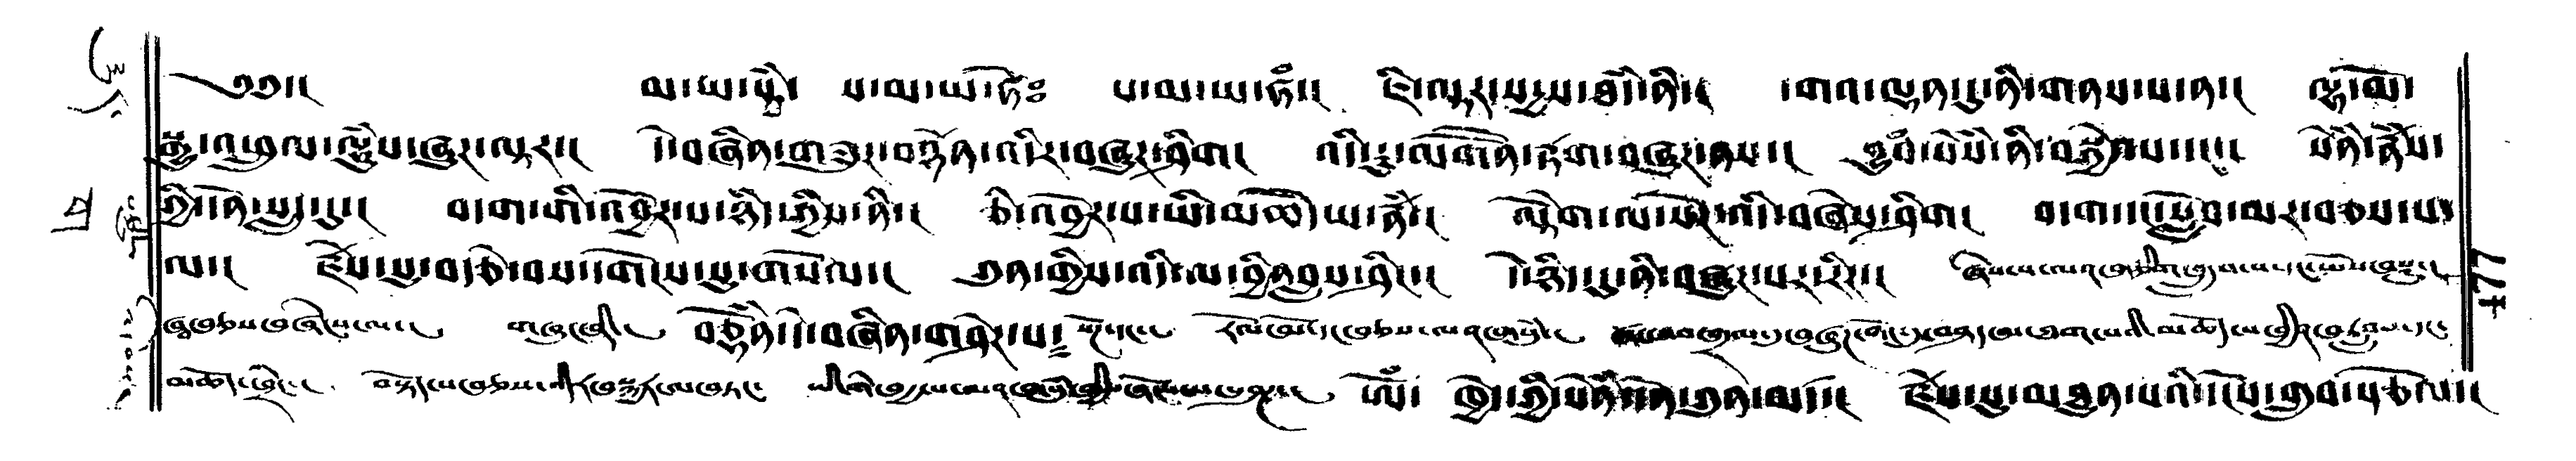མ་ཡ་སྟྭཾ། ས་མ་ཡ་ཧོཿ ས་མ་ཡ་ཧཾ། ཇི་ལྟར་སངས་རྒྱས་ཐམས་ཅད་ནི། །དགའ་ལྡན་དུ་ནི་གནས་པ་ན། །ལྷ་མོ་
སྒྱུ་འཕྲུལ་ལྷུམས་ཞུགས་ལྟར། །དེ་བཞིན་གཟུགས་བརྙན་འདིར་བཞུགས་ཤིག །འདི་རུ་མགོན་པོ་རྟག་བཞུགས་ནས། །བྱང་ཆུབ་སེམས་ནི་བསྐྱེད་པ་དང་། །སེམས་ཅན་རྣམས་
ཀྱི་དོན་སླད་དུ། །བདག་གི་འབྱོར་པ་ཉིད་ཀྱིས་ནི། །ཅི་འབྱོར་བ་ཡི་མཆོད་པ་རྣམས། །མེ་ཏོག་ལ་སོགས་འདི་བཞེས་ཤིག །བདག་དང་སློབ་མར་བཅས་པ་
ལ། རྗེས་སུ་བརྩེ་བས་དགོངས་སུ་གསོལ། །ཀུན་གྱིས་འདི་ལ་བྱིན་རླབས་ཤིང་། །དེ་ཉིད་དུ་ནི་བཞུགས་པར་རིགས། ཞེས་པ་ལན་གཅིག་གྲུབ་པ་དང་སྤོས་བསྡུ། 
ཞྭ་བཅས་བཞེངས་ལ། གཞུང་གི བཅོམ་ལྡན་དེ་བཞིན་གཤེགས་པ༴ ས ོགས་དང་། རོལ་མོ་དང་བཅས་ལན་གསུམ། ཞྭ་ཕབ་གྲལ་དུ་བཞུགས་གོང་དུ་བཤད་མ་ཐག་པའི་མཆོད་པ་བྱིན་བརླབས་དང་། 
མཆོད་ཕྲེང་། བསྟོད་པ་བཅས་འདིར་བསྐྱར་ལ་བཏང་། ཡི་གེ་བརྒྱ་པ་ལན་གསུམ་གྱིས་ནོངས་པ་བཤགས། ཨོཾ། ཁྱེད་ཀྱི་སེམས་ཅན་དོན་ཀུན་མཛད། རྗེས་སུ་མཐུན་པའི་དངོས་གྲུབ་རྩོལ།